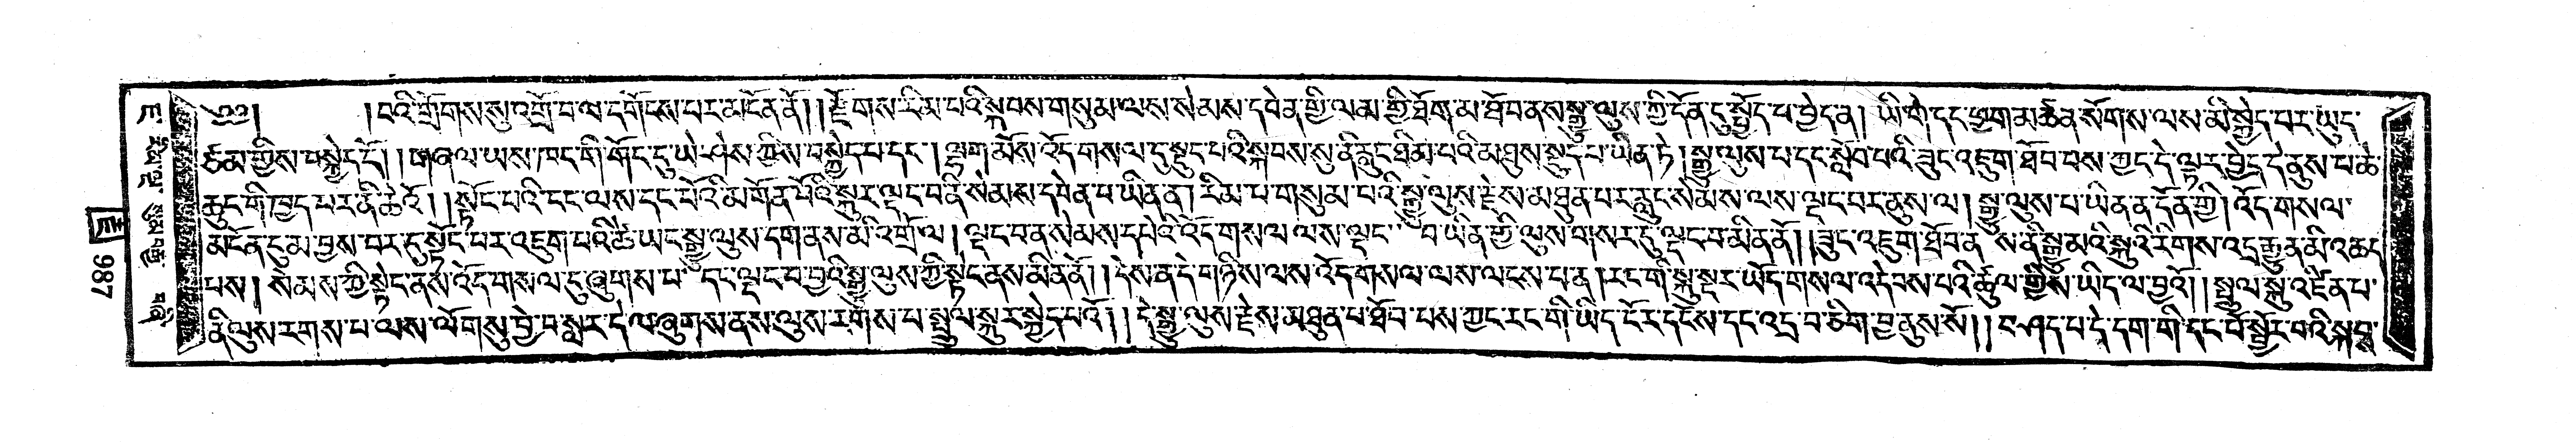༄༅། །བའི་གྲོགས་སུ་འགྲོ་བ་ལ་དགོངས་པར་མངོན་ནོ། །རྫོགས་རིམ་པའི་སྐབས་གསུམ་ལས་སེམས་དབེན་གྱི་ལམ་གྱི་ཐོག་མ་ཐོབ་ནས་སྒྱུ་ལུས་ཀྱི་དོན་དུ་སྤྱོད་པ་བྱེད་ན། ཡི་གེ་དང་ཕྱག་མཚན་སོགས་ལས་མི་སྐྱེད་པར་ཡུད་
ཙམ་གྱིས་བསྐྱེད་དོ། །གཞལ་ཡས་ཁང་གི་གོང་དུ་ཡེ་ཤེས་ཀྱིས་བསྐྱེད་པ་དང་། ལྷག་མོས་འོད་གསལ་དུ་སྡུད་པའི་སྐབས་སུ་ནི་རླུང་ཐིམ་པའི་མཐུས་སྡུད་པ་ཡིན་ཏེ། སྒྱུ་ལུས་པ་དང་སློབ་པའི་ཟུང་འཇུག་ཐོབ་པས་ཀྱང་དེ་ལྟར་བྱེད་དེ་ནུས་པ་ཆེ་
ཆུང་གི་ཁྱད་པར་ནི་ཆེའོ། །སྟོང་པའི་ངང་ལས་དང་པོའི་མགོན་པོའི་སྐུར་ལྡང་བ་ནི་སེམས་དབེན་པ་ཡིན་ན། རིམ་པ་གསུམ་པའི་སྒྱུ་ལུས་རྗེས་མཐུན་པར་རླུང་སེམས་ལས་ལྡང་བར་ནུས་ལ། སྒྱུ་ལུས་པ་ཡིན་ན་དོན་གྱི། འོད་གསལ་
མངོན་དུ་མ་བྱས་བར་དུ་སྟོང་པར་འཇུག་པའི་ཚེ་ཡང་སྒྱུ་ལུས་དག་ནས་མི་འགྲོ་ལ། ལྡང་བ་ན་སེམས་དཔེའི་འོད་གསལ་ལས་ལྡང་བ་ཡིན་གྱི་ལུས་གསར་དུ་ལྡང་བ་མིན་ནོ། །ཟུང་འཇུག་ཐོབ་ནས་ནི་སྒྱུ་མའི་སྐུའི་རིགས་འདྲ་རྒྱུན་མི་འཆད་
པས། སེམས་ཀྱི་སྟེང་ནས་འོད་གསལ་དུ་ཞུགས་པ་དང་ལྡང་བ་བྱའི་སྒྱུ་ལུས་ཀྱི་སྟེང་ནས་མིན་ནོ། །དེས་ན་དེ་གཉིས་ལས་འོད་གསལ་ལས་ལངས་པ་ན། རང་གི་སྐུ་སྔར་ཡོད་གསལ་འདེབས་པའི་ཚུལ་གྱིས་ཡིད་ལ་བྱའོ། །སྤྲུལ་སྐུ་འཛིན་པ་
ནི་ལུས་རགས་པ་ལས་ལོག་སུ་བྱེ་བ་སླར་དེ་ལ་ཞུགས་ནས་ལུས་རགས་པ་སྤྲུལ་སྐུར་སྐྱེད་པའོ། །དེ་སྒྱུ་ལུས་རྗེས་མཐུན་པ་ཐོབ་པས་ཀྱང་རང་གི་ཡིད་ངོར་དངོས་དང་འདྲ་བ་ཅིག་བྱ་ནུས་སོ། །བཤད་པ་དེ་དག་གི་དང་པོ་སྦྱོར་བའི་སྐབས་